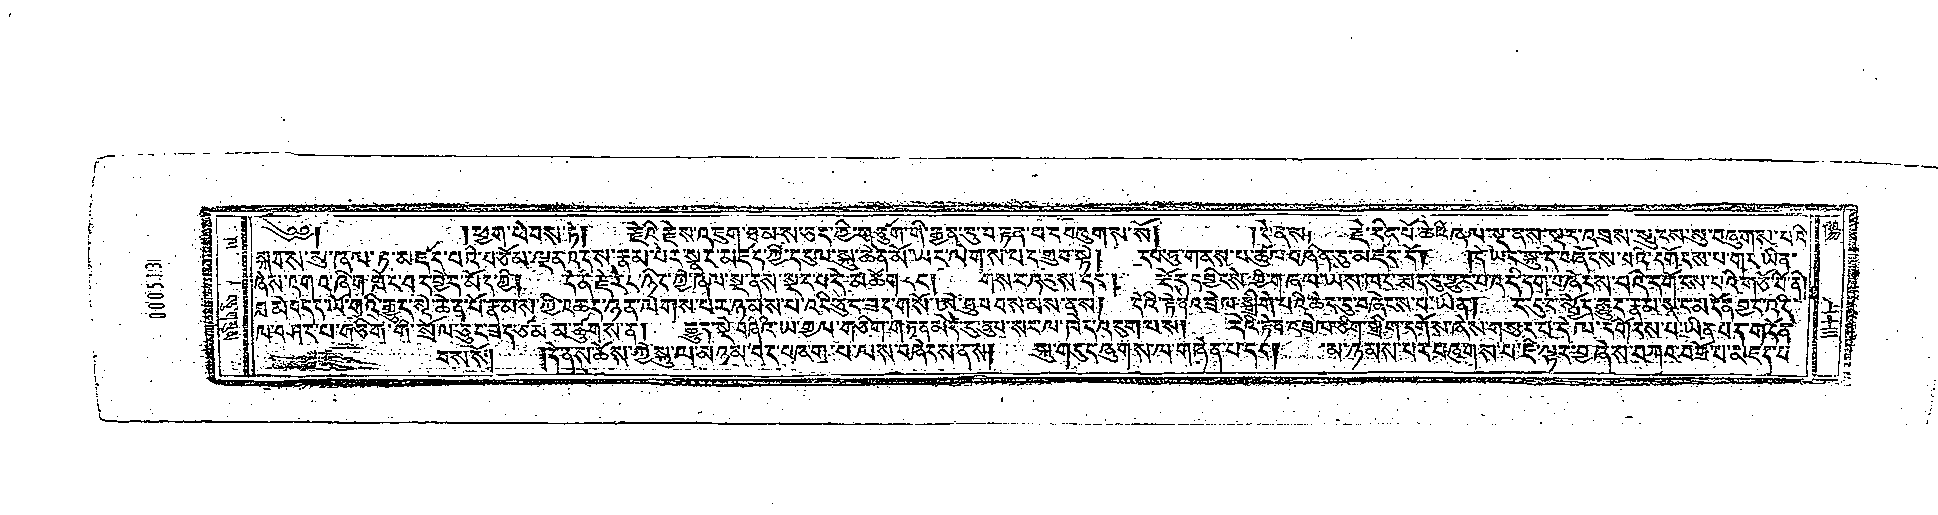༄༅། །ཕྱག་ཕེབས་ཏེ། རྗེའི་རྗེས་འཇུག་ཐམས་ཅད་ཀྱི་གཙུག་གི་རྒྱན་དུ་བརྟན་པར་བཞུགས་སོ། །དེ་ནས། རྗེ་རིན་པོ་ཆེའི་ཞལ་སྔ་ནས་སྔར་འབྲས་སྤུངས་སུ་བཞུགས་པའི་
སྐབས་སུ་ཞལ་ཏ་མཛད་པའི་བཅོམ་ལྡན་འདས་རྣམ་པར་སྣང་མཛད་ཀྱི་དངུལ་སྐུ་ཆེན་མོ་ཡང་ལེགས་པར་གྲུབ་སྟེ། རབ་ཏུ་གནས་པ་ཚུལ་བཞིན་དུ་མཛད་དོ། །དེ་ཡང་སྐུ་དེ་བཞེངས་པའི་དགོངས་པ་གང་ཡིན་
ཞེས་འགའ་ཞིག་གླེང་བར་བྱེད་མོད་ཀྱི། དེ་ནི་རྗེ་རང་ཉིད་ཀྱི་ཞལ་སྔ་ནས་སྡང་བདེ་མཆོག་དང་། གསང་འདུས་དང་། རྡོར་དབྱིངས་ཀྱི་གཞལ་ཡས་ཁང་རྨང་དུ་བྱུང་བ་འདི་དག་བཞེངས་པའི་དགོངས་པའི་གཙོ་བོ་ནི།
བླ་མེ་བདང་ཡོ་གའི་རྒྱུད་སྡེ་ཆེན་པོ་རྣམས་ཀྱི་འཆད་ཉན་ལེགས་པར་ཉམས་པ་འདི་ཅུང་ཟད་གསོ་ཨེ་ཐུབ་བསམས་ནས། དེའི་རྟེན་འབྲེལ་སྒྲིག་པའི་ཆེད་དུ་བཞེངས་པ་ཡིན། ད་དུང་སྤྱོད་རྒྱུད་རྣམ་སྣང་མངོན་བྱང་འདི་
ལ་བཤད་པ་གཅིག་གི་སྲོལ་ཅུང་ཟད་ཙམ་མ་ཚུགས་ན། རྒྱུད་སྡེ་བཞིའི་ཡ་གྱལ་གཅིག་གཏན་མེད་དུ་ནུ་པ་སང་ལ་ཁེད་འདུག་པས། དེའི་རྟེན་འབྲེལ་ཅིག་སྒྲིག་དགོས་ཞེས་གསུང་པ་དེ་ལ་དགོངས་པ་ཡིན་པར་གདོན་
བས་སོ། །དེ་ནས་ཆོས་ཀྱི་སྐུ་ལ་མཉམ་བར་བཞག་པ་ལས་བཞེངས་ནས། སྐུ་གདུང་ཞུགས་ལ་གཞེན་པ་དང་། མ་ཉམས་པར་བཞུགས་པ་ཇི་ལྟར་བྱ་ཞེས་བཀའ་འགྲོ་པ་མཛད་པ་